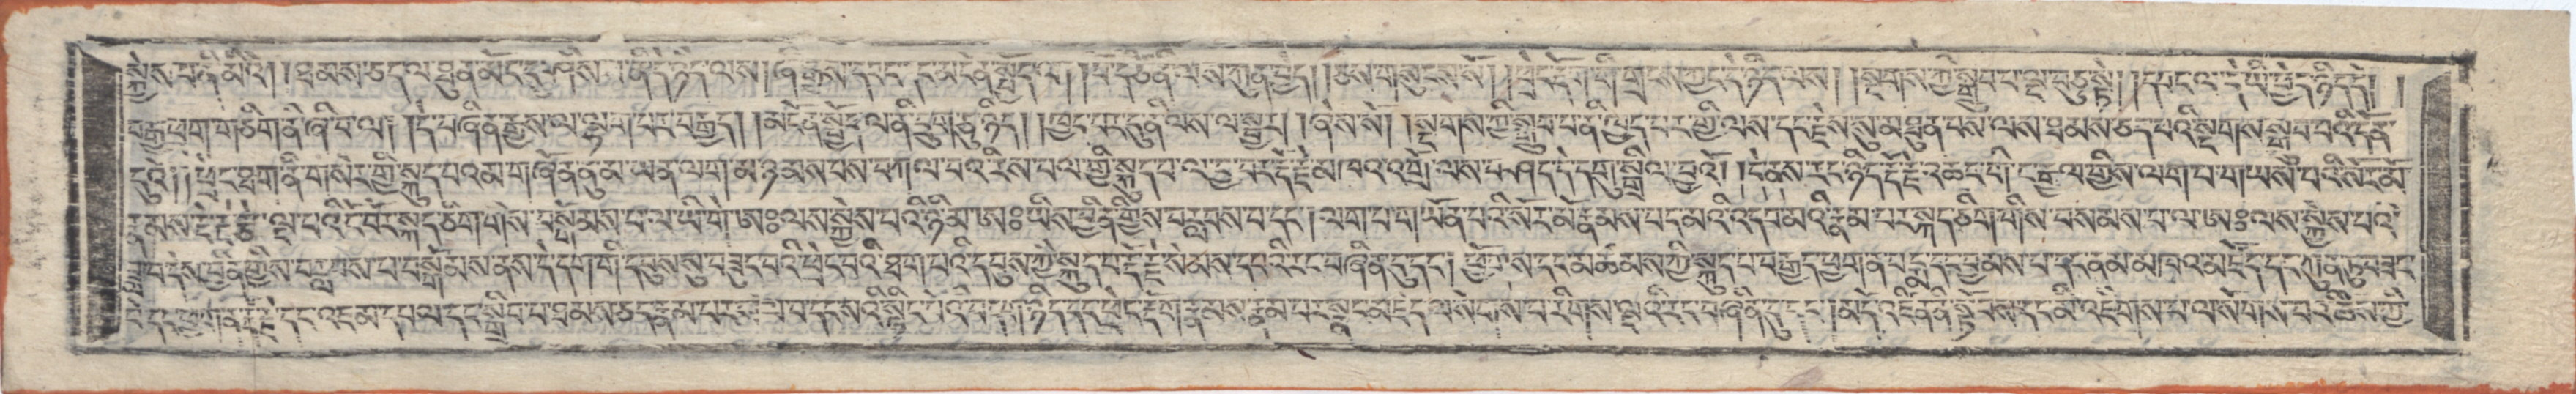སྐྱེས་པ་ནི་མིའོ། །ཐམས་ཅད་ལ་ཐུན་མོང་དུ་ཤིས་པ་ནི་དེ་ཉིད་ལས། ཞི་རྒྱས་དབང་དང་མངོན་སྤྱོད་ལ། །བོ་དེ་ཙམ་ནི་ལས་ཀུན་བྱེད། །ཅེས་གསུངས་སོ། །ཕྲེང་རྡོག་གི་གྲངས་ཀྱང་དེ་ཉིད་ལས། །སྔགས་ཀྱི་སྒྲུབ་པ་ལྔ་བཅུ་སྟེ། །དབང་ལ་དེ་ཡི་ཕྱེད་ཉིད་དོ། །
བརྒྱ་ཕྲག་གཅིག་ནི་ཞི་བ་ལ། །དེ་བཞིན་རྒྱས་ལ་ལྷག་པར་བརྒྱད། །མངོན་སྤྱོད་ལ་ནི་དྲུག་ཅུ་ཉིད། །ཁྱད་པར་དུ་ནི་ལས་ལ་སྦྱར། །ཞེས་སོ། །སྔགས་ཀྱི་སྒྲུབ་པ་ནི་ཁྱད་པར་གྱི་ལས་དང་རྗེས་སུ་མཐུན་པས་ལས་ཐམས་ཅད་པའི་སྔགས་སྒྲུབ་པའི་དོན་
དུའོ། །ཕྲེང་ཐག་ནི་གསེར་གྱི་སྐུད་པའམ་གཞོན་ནུ་མ་ཡན་ལག་མ་ཉམས་པས་བཀལ་བའི་རས་པལ་གྱི་སྐུད་པ་ལ་བྱ་བར་རྡོ་རྗེ་མཁའ་འགྲོ་ལས་བཤད་དེ་དགུ་སྒྲིལ་བྱའོ། །དེ་ནས་རང་ཉིད་རྡོ་རྗེ་འཆང་གི་ང་རྒྱལ་གྱིས་ལག་པ་གཡས་པའི་སོར་མོ་
རྣམས་རྡོ་རྗེ་རྩེ་ལྔ་པའི་ངོ་བོར་སྐད་ཅིག་གིས་བསྒོམས་པ་ལ་ཡི་གེ་ཨཿ ལས་སྐྱེས་པའི་ཉི་མ་ཨཿ ཡིས་བྱིན་གྱིས་བརླབས་པ་དང་། ལག་པ་གཡོན་པའི་སོར་མོ་རྣམས་པད་མའི་འདབ་མའི་རྣམ་པར་སྐད་ཅིག་གིས་བསམས་པ་ལ་ཨཿ ལས་སྐྱེས་པའི་
ཟླ་བ་དེས་བྱིན་གྱིས་བརླབས་པ་བསྒོམས་ནས་དེ་དག་གི་དབུས་སུ་བཟུང་བའི་ཕྲེང་བའི་ཐག་པའི་དབུས་ཀྱི་སྐུད་པ་རྡོ་རྗེ་སེམས་དཔའི་རང་བཞིན་དུ་དང་། ཕྱོགས་དང་མཚམས་ཀྱི་སྐུད་པ་བརྒྱད་ཕྱག་ན་པདམ་དང་བྱམས་པ་དང་ནམ་མཁའ་མཛོད་དང་ཀུན་ཏུ་བཟང་
པོ་དང་ཕྱག་ན་རྡོ་རྗེ་དང་འཇམ་དཔལ་དང་སྒྲིབ་པ་ཐམས་ཅད་རྣམ་པར་སེལ་བ་དང་སའི་སྙིང་པོའི་བདག་ཉིད་དང་ཕྲེང་རྡོག་རྣམས་རྣམ་པར་སྣང་མཛད་ལ་སོགས་པ་རིགས་ལྔའི་རང་བཞིན་དུ་དང་། མདོ་འཛིན་ནི་སྟོབས་དང་མི་འཇིགས་པ་ལ་སོགས་པའི་ཆོས་ཀྱི་